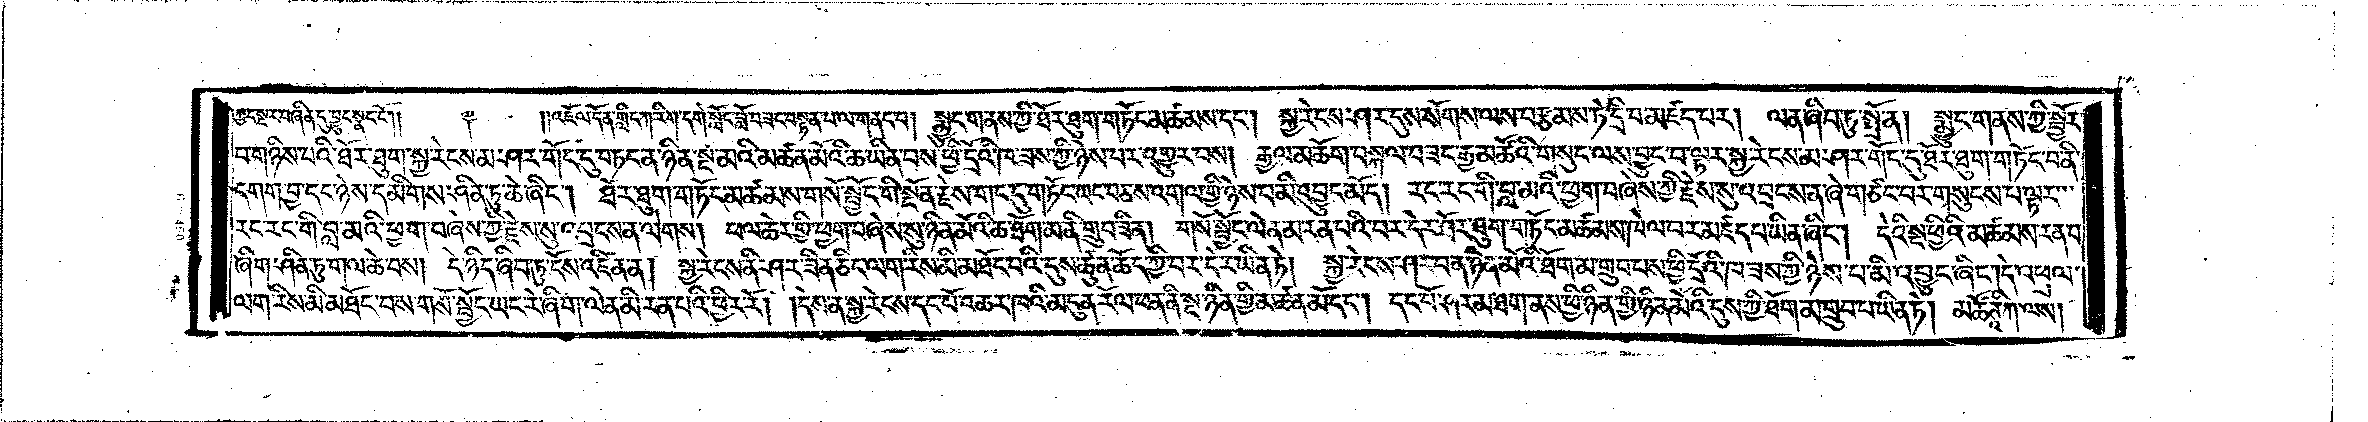ཀྱང་སྔར་བཞིན་དུ་བྱུང་སྣང་ངོ།། ༈ །།འཇོལ་དོན་གླིང་ཀ་རིག་དགེ་སློང་བློ་བཟང་བསྟན་པ་ལ་གནང་བ།  སྨྱུང་གནས་ཀྱི་ཐོར་ཐུག་གཏོང་མཚམས་དང་། སྐྱ་རེངས་ཤར་དུས་སོགས་ལས་བརྩམས་ཏེ་དྲི་བ་མཛད་པར། ལན་ཞིབ་ཏུ་སྤྲོ་ན། སྨྱུང་གནས་ཀྱི་སྦྱོར་
བ་གཉིས་པའི་ཐོར་ཐུག་སྐྱ་རེངས་མ་ཤར་གོང་དུ་བཏང་ན་ཉིན་སྔ་མའི་མཚན་མོའི་ཆ་ཡིན་པས་ཕྱི་དྲོའི་ཁ་ཟས་ཀྱི་ཉེས་པར་འགྱུར་པས། རྒྱལ་མཆོག་བསྐལ་བཟང་རྒྱ་མཚོའི་གསུང་ལས་བྱུང་བ་ལྟར་སྐྱ་རེངས་མ་ཤར་གོང་དུ་ཐོར་ཐུག་གཏོང་བ་ནི་
དགག་བྱ་དང་ཉེས་དམིགས་ཤིན་ཏུ་ཆེ་ཞིང་། ཐོར་ཐུག་གཏོང་མཚམས་གསོ་སྦྱོང་གི་སྔོན་རྗེས་གང་དུ་གཏོང་ཡང་བཅས་འགལ་གྱི་ཉེས་པ་མི་འབྱུང་མོད། རང་རང་གི་བླ་མའི་ཕྱག་བཞེས་ཀྱི་རྗེས་སུ་འབྲངས་ན་ཞེ་གཙང་བར་གསུངས་པ་ལྟར་
རང་རང་གི་བླ་མའི་ཕྱག་བཞེས་ཀྱི་རྗེས་སུ་འབྲངས་ན་ལེགས། ཕལ་ཆེར་གྱི་ཕྱག་བཞེས་སུ་ཉིན་མོའི་ཆ་ཐོག་མ་ནི་གྲུབ་ཟིན། གསོ་སྦྱོང་ལེན་མ་རན་པའི་བར་དེར་ཐོར་ཐུག་གཏོང་མཚམས་ཁེལ་བར་མཛད་པ་མིན་ཞིང་། དེའི་སྔ་ཕྱིའི་མཚམས་རན་པ་
ཞིག་ཤིན་ཏུ་གལ་ཆེ་བས། དེ་ཉིད་ཞིབ་ཏུ་ངོས་འཛིན་ན། སྐྱ་རེངས་ནི་ཤར་ཟིན་ཅིང་ལག་རིས་མི་མཐོང་བའི་དུས་ཚུན་ཆོད་ཀྱི་བར་དེར་ཡིན་ཏེ། སྐྱ་རེངས་ཤར་བ་ན་ཉིན་མོའི་ཐོག་མ་གྲུབ་པས་ཕྱི་དྲོའི་ཁ་ཟས་ཀྱི་ཉེས་པ་མི་འབྱུང་ཞིང་། དེ་འཕྲལ་
ལག་རིས་མི་མཐོང་བས་གསོ་སྦྱོང་ཡང་རེ་ཞིག་ལེན་མི་རན་པའི་ཕྱིར་རོ། །དེས་ན་སྐྱ་རེངས་དང་པོ་འཆར་ཁའི་མདུན་རོལ་ཕན་ནི་སྔ་ཉིན་གྱི་མཚན་མོ་དང་། དང་པོ་ཤར་མ་ཐག་ནས་ཕྱི་ཉིན་གྱི་ཉིན་མོའི་དུས་ཀྱི་ཐོག་མ་གྲུབ་པ་ཡིན་ཏེ། མཚོ་ཊཱིཀ་ལས།